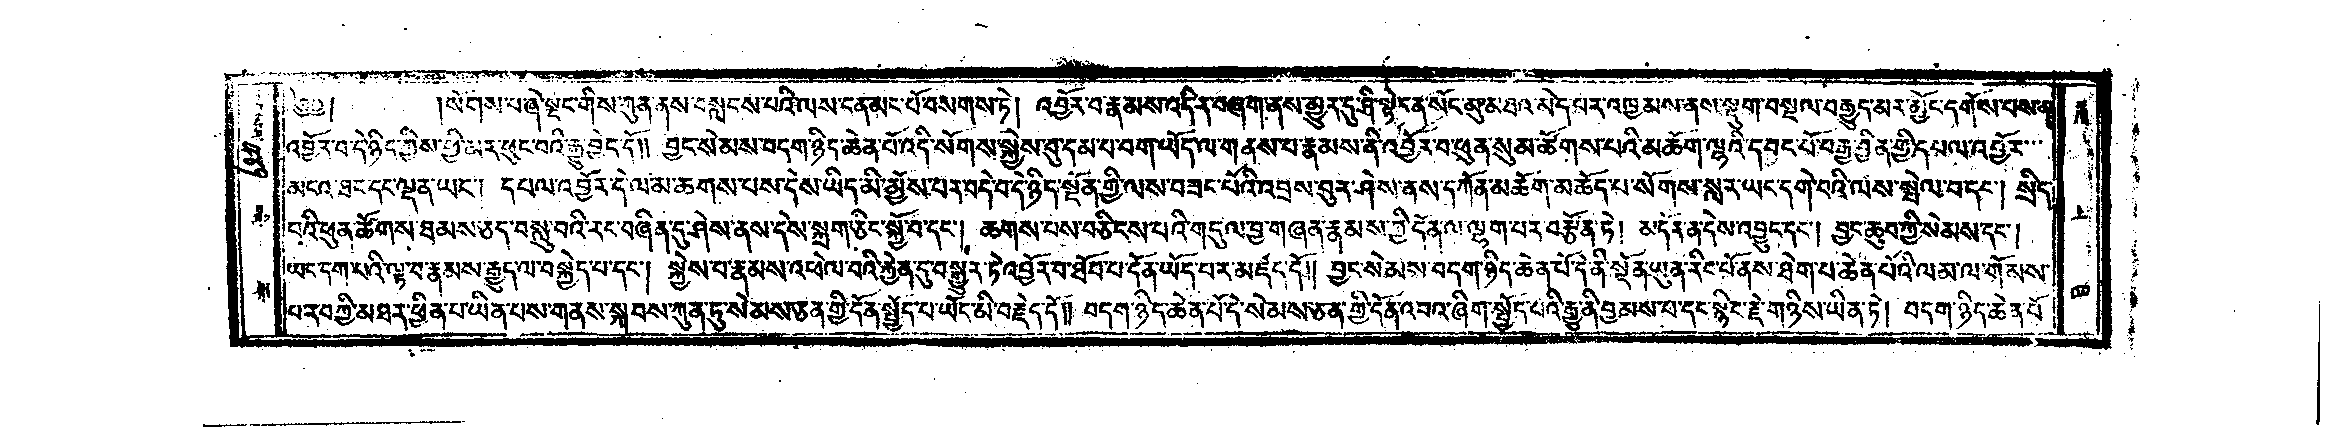༄༅། །སོགས་པ་ཞེ་སྡང་གིས་ཀུན་ནས་བསླངས་པའི་ལས་ངན་མང་པོ་བསགས་ཏེ། འབྱོར་བ་རྣམས་འདིར་བཞག་ནས་མྱུར་དུ་ཤི་སྟེ་ངན་སོང་མུ་མཐའ་མེད་པར་འཁྱམས་ནས་སྡུག་བསྔལ་བརྒྱུད་མར་མྱོང་དགོས་པས་ན་
འབྱོར་བ་དེ་ཉིད་ཀྱིས་ཕྱི་མར་ཕུང་བའི་རྒྱུ་བྱེད་དོ།། བྱང་སེམས་བདག་ཉིད་ཆེན་པོ་འདི་སོགས་སྐྱེས་བུ་དམ་པ་བག་ཡོད་ལ་གནས་པ་རྣམས་ནི་འབྱོར་བ་ཕུན་སུམ་ཚོགས་པའི་མཆོག་ལྷའི་དབང་པོ་བརྒྱ་བྱིན་གྱི་དཔལ་འབྱོར་
མངའ་ཐང་དང་ལྡན་ཡང་། དཔལ་འབྱོར་དེ་ལ་མ་ཆགས་པས་དེས་ཡིད་མི་མྱོས་པར་བདེ་བ་དེ་ཉིད་སྔོན་གྱི་ལས་བཟང་པོའི་འབྲས་བུར་ཤེས་ནས་དཀོན་མཆོག་མཆོད་པ་སོགས་སླར་ཡང་དགེ་བའི་ལས་སྤེལ་བ་དང་། སྲིད་
པའི་ཕུན་ཚོགས་ཐམས་ཅད་བསླུ་བའི་རང་བཞིན་དུ་ཤེས་ནས་དེས་སྐྲག་ཅིང་སྐྱོ་བ་དང་། ཆགས་པས་བཅིངས་པའི་གདུལ་བྱ་གཞན་རྣམས་ཀྱི་དོན་ལ་ལྷག་པར་བརྩོན་ཏེ། མདོར་ན་ངེས་འབྱུང་དང་། བྱང་ཆུབ་ཀྱི་སེམས་དང་།
ཡང་དག་པའི་ལྟ་བ་རྣམས་རྒྱུད་ལ་བསྐྱེད་པ་དང་། སྐྱེས་པ་རྣམས་འཕེལ་བའི་རྐྱེན་དུ་བསྒྱུར་ཏེ་འབྱོར་བ་ཐོབ་པ་དོན་ཡོད་པར་མཛད་དོ།། བྱང་སེམས་བདག་ཉིད་ཆེན་པོ་དེ་ནི་སྔོན་ཡུན་རིང་པོ་ནས་ཐེག་པ་ཆེན་པོའི་ལམ་ལ་གོམས་
པ་རབ་ཀྱི་མཐར་ཕྱིན་པ་ཡིན་པས་གནས་སྐབས་ཀུན་ཏུ་སེམས་ཅན་གྱི་དོན་སྤྱོད་པ་ཡོང་མི་བརྗེད་དོ།། བདག་ཉིད་ཆེན་པོ་དེ་སེམས་ཅན་གྱི་དོན་འབའ་ཞིག་སྤྱོད་པའི་རྒྱུ་ནི་བྱམས་པ་དང་སྙིང་རྗེ་གཉིས་ཡིན་ཏེ། བདག་ཉིད་ཆེན་པོ་